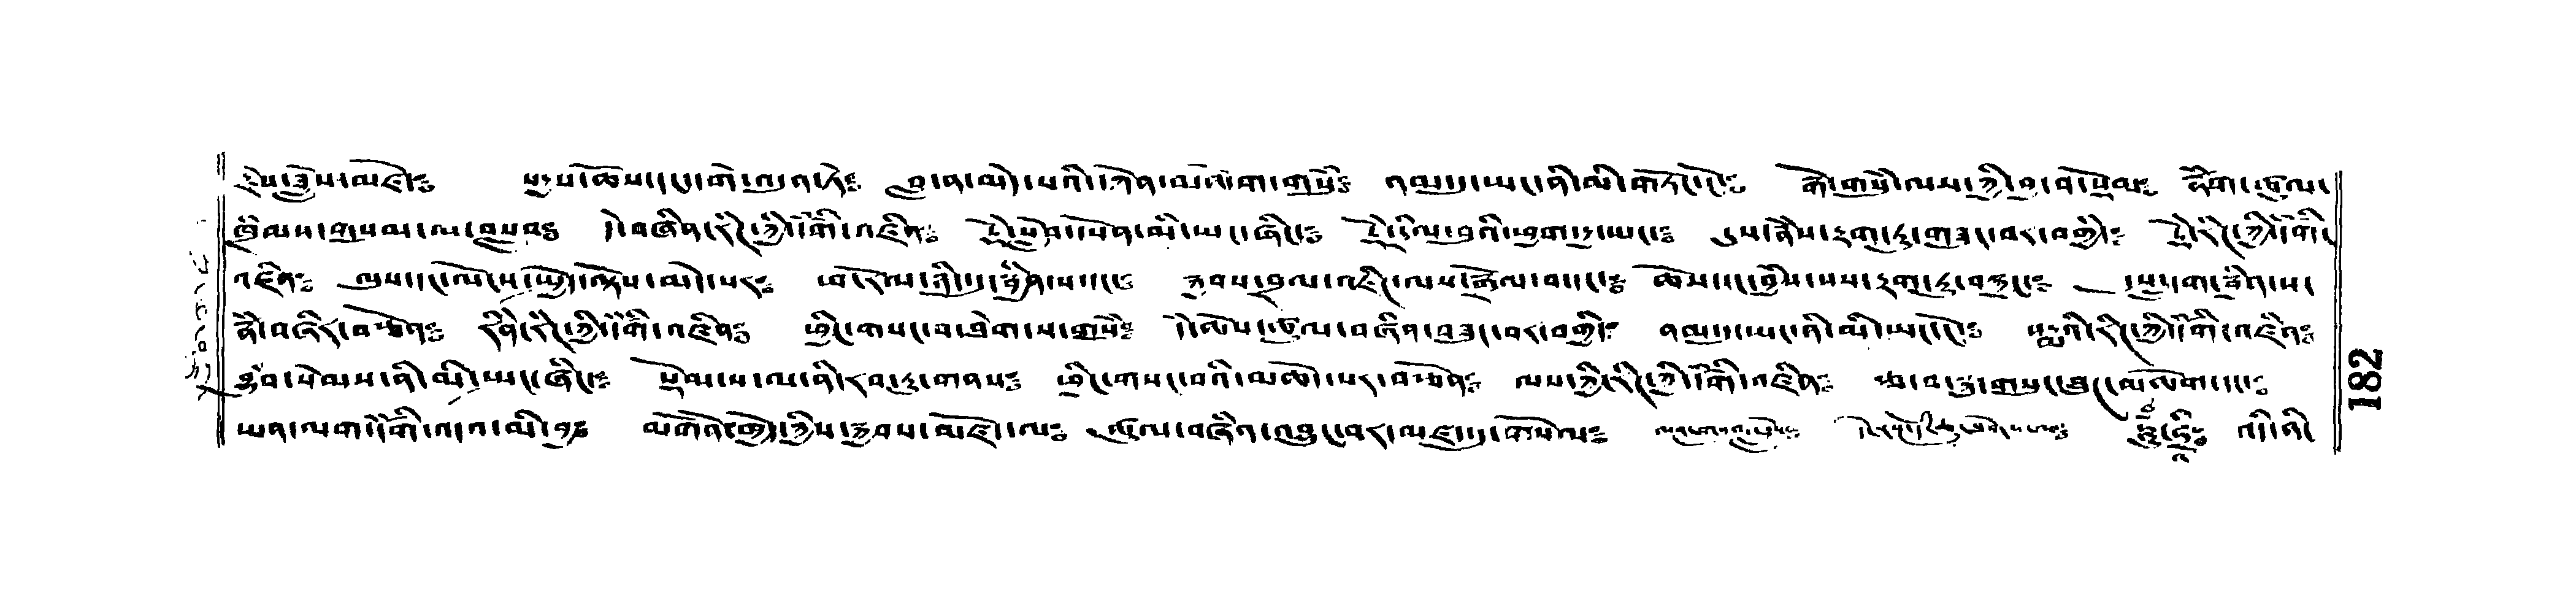རྗེས་ཟློས་མཛོད༔ སངས་རྒྱས་ཆོས་དང་དགེ་འདུན་ཏེ༔ བླ་ན་མེད་པའི་དཀོན་མཆོག་གསུམ༔ ནམ་དུ་ཡང་ནི་མི་གཏོང་ངོ༔ སྒོ་གསུམ་ལས་ཀྱི་བྱ་བ་སྡོམ༔ རྣམ་དག་ཚུལ་
ཁྲིམས་གསུམ་ལ་བསླབ༔ དེ་བཞིན་རིགས་ཀྱི་དམ་ཚིག་འཛིན༔ རྡོ་རྗེ་སློབ་དཔོན་མི་སྤང་ཞིང༔ རྡོ་རྗེ་དྲིལ་བུའི་ཕྱག་རྒྱ་ཡང༔ དུས་རྣམས་རྟག་ཏུ་གཟུང་བར་བགྱི༔ རྡོ་རྗེ་རིགས་ཀྱི་དམ་ཚིག་
འཛིན༔ ལུས་དང་ལོངས་སྤྱོད་ལྟོས་མེད་པར༔ ཕ་རོལ་ཉིད་དུ་སྦྱིན་པ་དང༔ སྐྱབས་བྲལ་འཇིགས་ལས་སྒྲོལ་བ་དང༔ ཆོས་དང་བྱམས་པས་རྟག་ཏུ་བསྐྱང༔ དུས་དྲུག་སྦྱིན་པ་
རྣམ་བཞིར་བརྩོན༔ རིན་ཆེན་རིགས་ཀྱི་དམ་ཚིག་འཛིན༔ ཕྱི་ནང་གསང་བ་ཐེག་པ་གསུམ༔ དམ་ཆོས་ཚུལ་བཞིན་བཟུང་བར་བགྱི༔ ནམ་དུ་ཡང་ནི་མི་སྤང་ངོ༔ པདྨའི་རིགས་ཀྱི་དམ་ཚིག་འཛིན༔ 
བྱང་ཆུབ་སེམས་ནི་མི་སྤང་ཞིང༔ སྡོམ་པ་ལ་ནི་རབ་ཏུ་གནས༔ ཕྱི་ནང་གསང་བའི་མཆོད་པར་བརྩོན༔ ལས་ཀྱི་རིགས་ཀྱི་དམ་ཚིག་འཛིན༔ རྩ་བ་སྐུ་གསུང་ཐུགས་མཆོག་དང༔ 
ཡན་ལག་དམ་ཚིག་འདའ་མི་བྱ༔ མགོན་པོ་ཁྱོད་ཀྱིས་སྐྱབས་མཛོད་ལ༔ ཚུལ་བཞིན་འབྱུང་བར་མཛད་དུ་གསོལ༔ ལན་གསུམ་ཟློས༔ དེ་ནས་དམ་ཆུ་ཐོགས་ལ༔ ཧཱུྃ་ཧྲཱིཿ འདི་ནི་